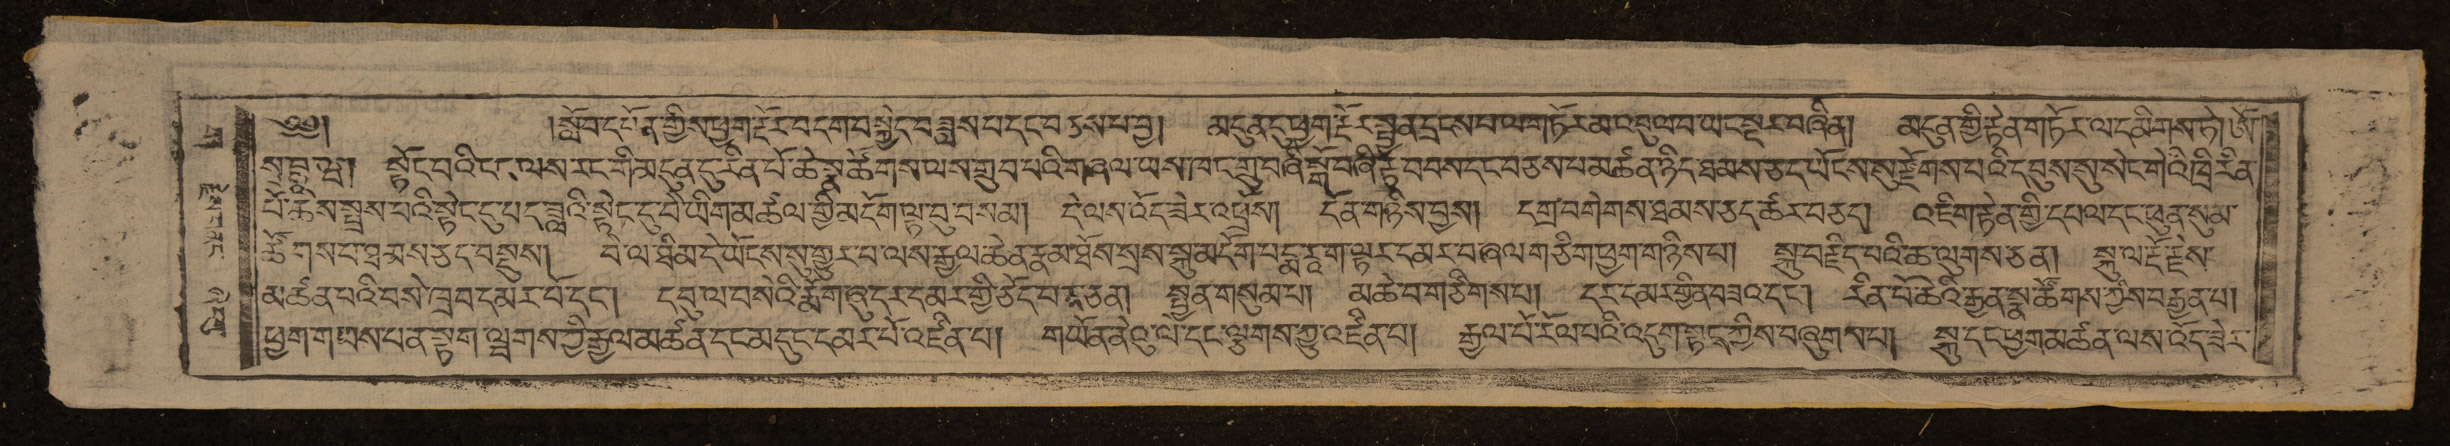༄༅། །སློབ་དཔོན་གྱིས་ཕྱག་རྡོར་བདག་བསྐྱེད་བཟླས་པ་དང་བཅས་པ་བྱ། མདུན་དུ་ཕྱག་རྡོར་སྤྱན་དྲངས་པ་ལ་གཏོར་མ་འབུལ་བ་ཡང་སྔར་བཞིན། མདུན་གྱི་རྟེན་གཏོར་ལ་དམིགས་ཏེ། ཨོཾ་
སྭ་བྷཱ་ཝ། སྟོང་པའི་ངང་ལས་རང་གི་མདུན་དུ་རིན་པོ་ཆེ་སྣ་ཚོགས་ལས་གྲུབ་པའི་གཞལ་ཡས་ཁང་གྲུ་བཞི་སྒོ་བཞི་རྟ་བབས་དང་བཅས་པ་མཚན་ཉིད་ཐམས་ཅད་ཡོངས་སུ་རྫོགས་པའི་དབུས་སུ་སེང་གེའི་ཁྲི་རིན་
པོ་ཆེས་སྤྲས་པའི་སྟེང་དུ་པད་ཟླའི་སྟེང་དུ་བཻ་ཡིག་མཚལ་གྱི་མདོག་ལྟ་བུ་བསམ། དེ་ལས་འོད་ཟེར་འཕྲོས། དོན་གཉིས་བྱས། དགྲ་བགེགས་ཐམས་ཅད་ཚར་བཅད། འཇིག་རྟེན་གྱི་དཔལ་དང་ཕུན་སུམ་
ཚོགས་པ་ཐམས་ཅད་བསྡུས། བཻ་ལ་ཐིམ་དེ་ཡོངས་སུ་གྱུར་པ་ལས་རྒྱལ་ཆེན་རྣམ་ཐོས་སྲས་སྐུ་མདོག་པདམ་རཱ་ག་ལྟར་དམར་བ་ཞལ་གཅིག་ཕྱག་གཉིས་པ། སྐུ་བརྗིད་པའི་ཆ་ལུགས་ཅན། སྐུ་ལ་རྡོ་རྗེས་
མཚན་པའི་བསེ་ཁྲབ་དམར་པོ་དང་། དབུ་ལ་བསེའི་རྨོག་ཞུ་དར་དམར་གྱི་ཅོད་པན་ཅན། སྤྱན་གསུམ་པ། མཆེ་བ་གཙིགས་པ། དར་དམར་གྱི་ན་བཟའ་དང་། རིན་པོ་ཆེའི་རྒྱན་སྣ་ཚོགས་ཀྱིས་བརྒྱན་པ།
ཕྱག་གཡས་པ་ན་སྟག་ལྤགས་ཀྱི་རྒྱལ་མཚན་དང་མདུང་དམར་པོ་འཛིན་པ། གཡོན་ནེའུ་ལེ་དང་ལྕགས་ཀྱུ་འཛིན་པ། རྒྱལ་པོ་རོལ་པའི་འདུག་སྟངས་ཀྱིས་བཞུགས་པ། སྐུ་དང་ཕྱག་མཚན་ལས་འོད་ཟེར་